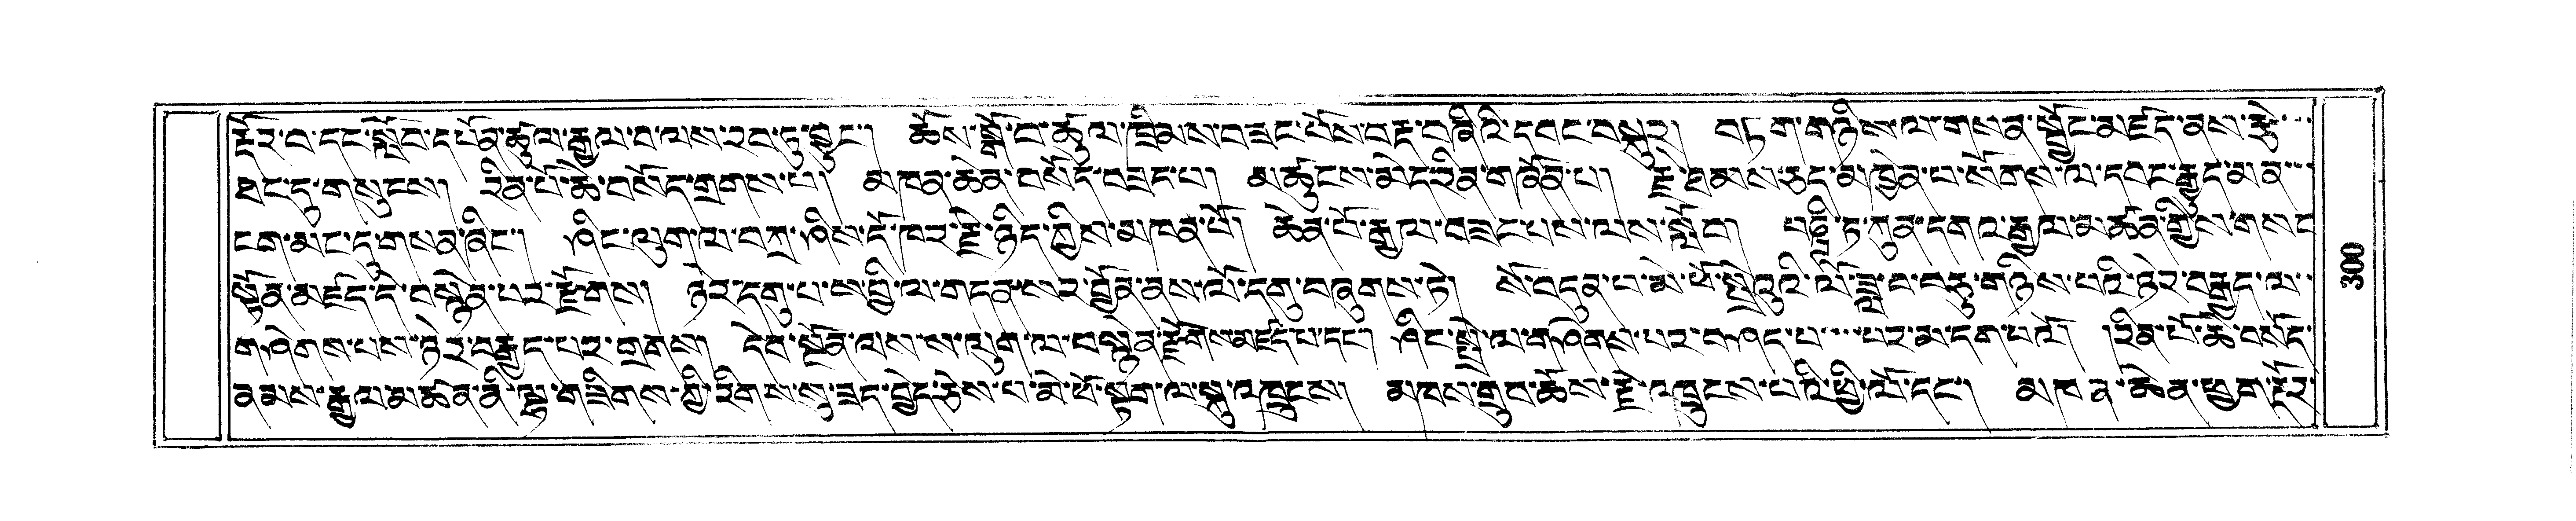རྡོར་བ་དང་སློབ་དཔོན་ཚུལ་རྒྱལ་བ་ལས་རབ་ཏུ་བྱུང་། ཆོས་སྒོ་བ་ཚུལ་ཁྲིམས་བཟང་པོས་བརྡ་བཞིའི་དབང་བསྐུར། བཏག་གཉིས་ལ་གསན་སྦྱོང་མཛད་ནས་རྩེ་
ཐང་དུ་གསུངས། རིན་པོ་ཆེ་བསོད་གྲགས་པ། མཁན་ཆེན་བསོད་བཟང་པ། མཚུངས་མེད་རིན་གཞོན་པ། རྗེ་ཐམས་ཅད་མཁྱེན་པ་སོགས་ལ་དབང་རྒྱུད་མན་
ངག་མང་དུ་གསན་ཞིང་། ཤིང་ལུག་ལ་བཀྲ་ཤིས་དོ་ཁར་རྗེ་ཉིད་ཀྱིས་མཁན་པོ། ཆེན་བོ་རྒྱལ་བཟང་པས་ལས་སློབ། པཎྚི་ཏ་ཀུན་དགའ་རྒྱལ་མཚན་གྱིས་གསང་
སྟོན་མཛད་དེ་བསྙེན་པར་རྫོགས། ཉེར་དགུ་པ་ས་བྱི་ལ་གདན་སར་བྱོན་ནས་ལོ་དགུ་བཞུགས་ཏེ། སོ་བདུན་པ་མེ་ཕོ་སྤྲེའུའི་ལོ་ཟླ་བ་བཅུ་གཉིས་པའི་ཉེར་བརྒྱད་ལ་
གཤེགས་པས་ཉེར་བརྒྱད་པར་གྲགས། དེབ་སྔོན་ལས་ས་ལུག་ལ་བསྙེན་རྫོགས་མཛད་པ་དང་། ཤིང་སྤྲེལ་ལ་གཤེགས་པར་བཤད་པ་པར་མ་དག་པའོ། །རིན་པོ་ཆེ་བསོད་
ནམས་རྒྱལ་མཚན་ནི་ལྷ་གཟིགས་ཀྱི་རིགས་སུ་ཟད་བྱེད་ཅེས་པ་མེ་ཕོ་སྟག་ལ་སྐུ་འཁྲུངས། མཁས་གྲུབ་ཆོས་རྗེ་འཁྲུངས་པའི་ཕྱི་ལོ་དང་། མཁན་ཆེན་ཕྱག་རྡོར་